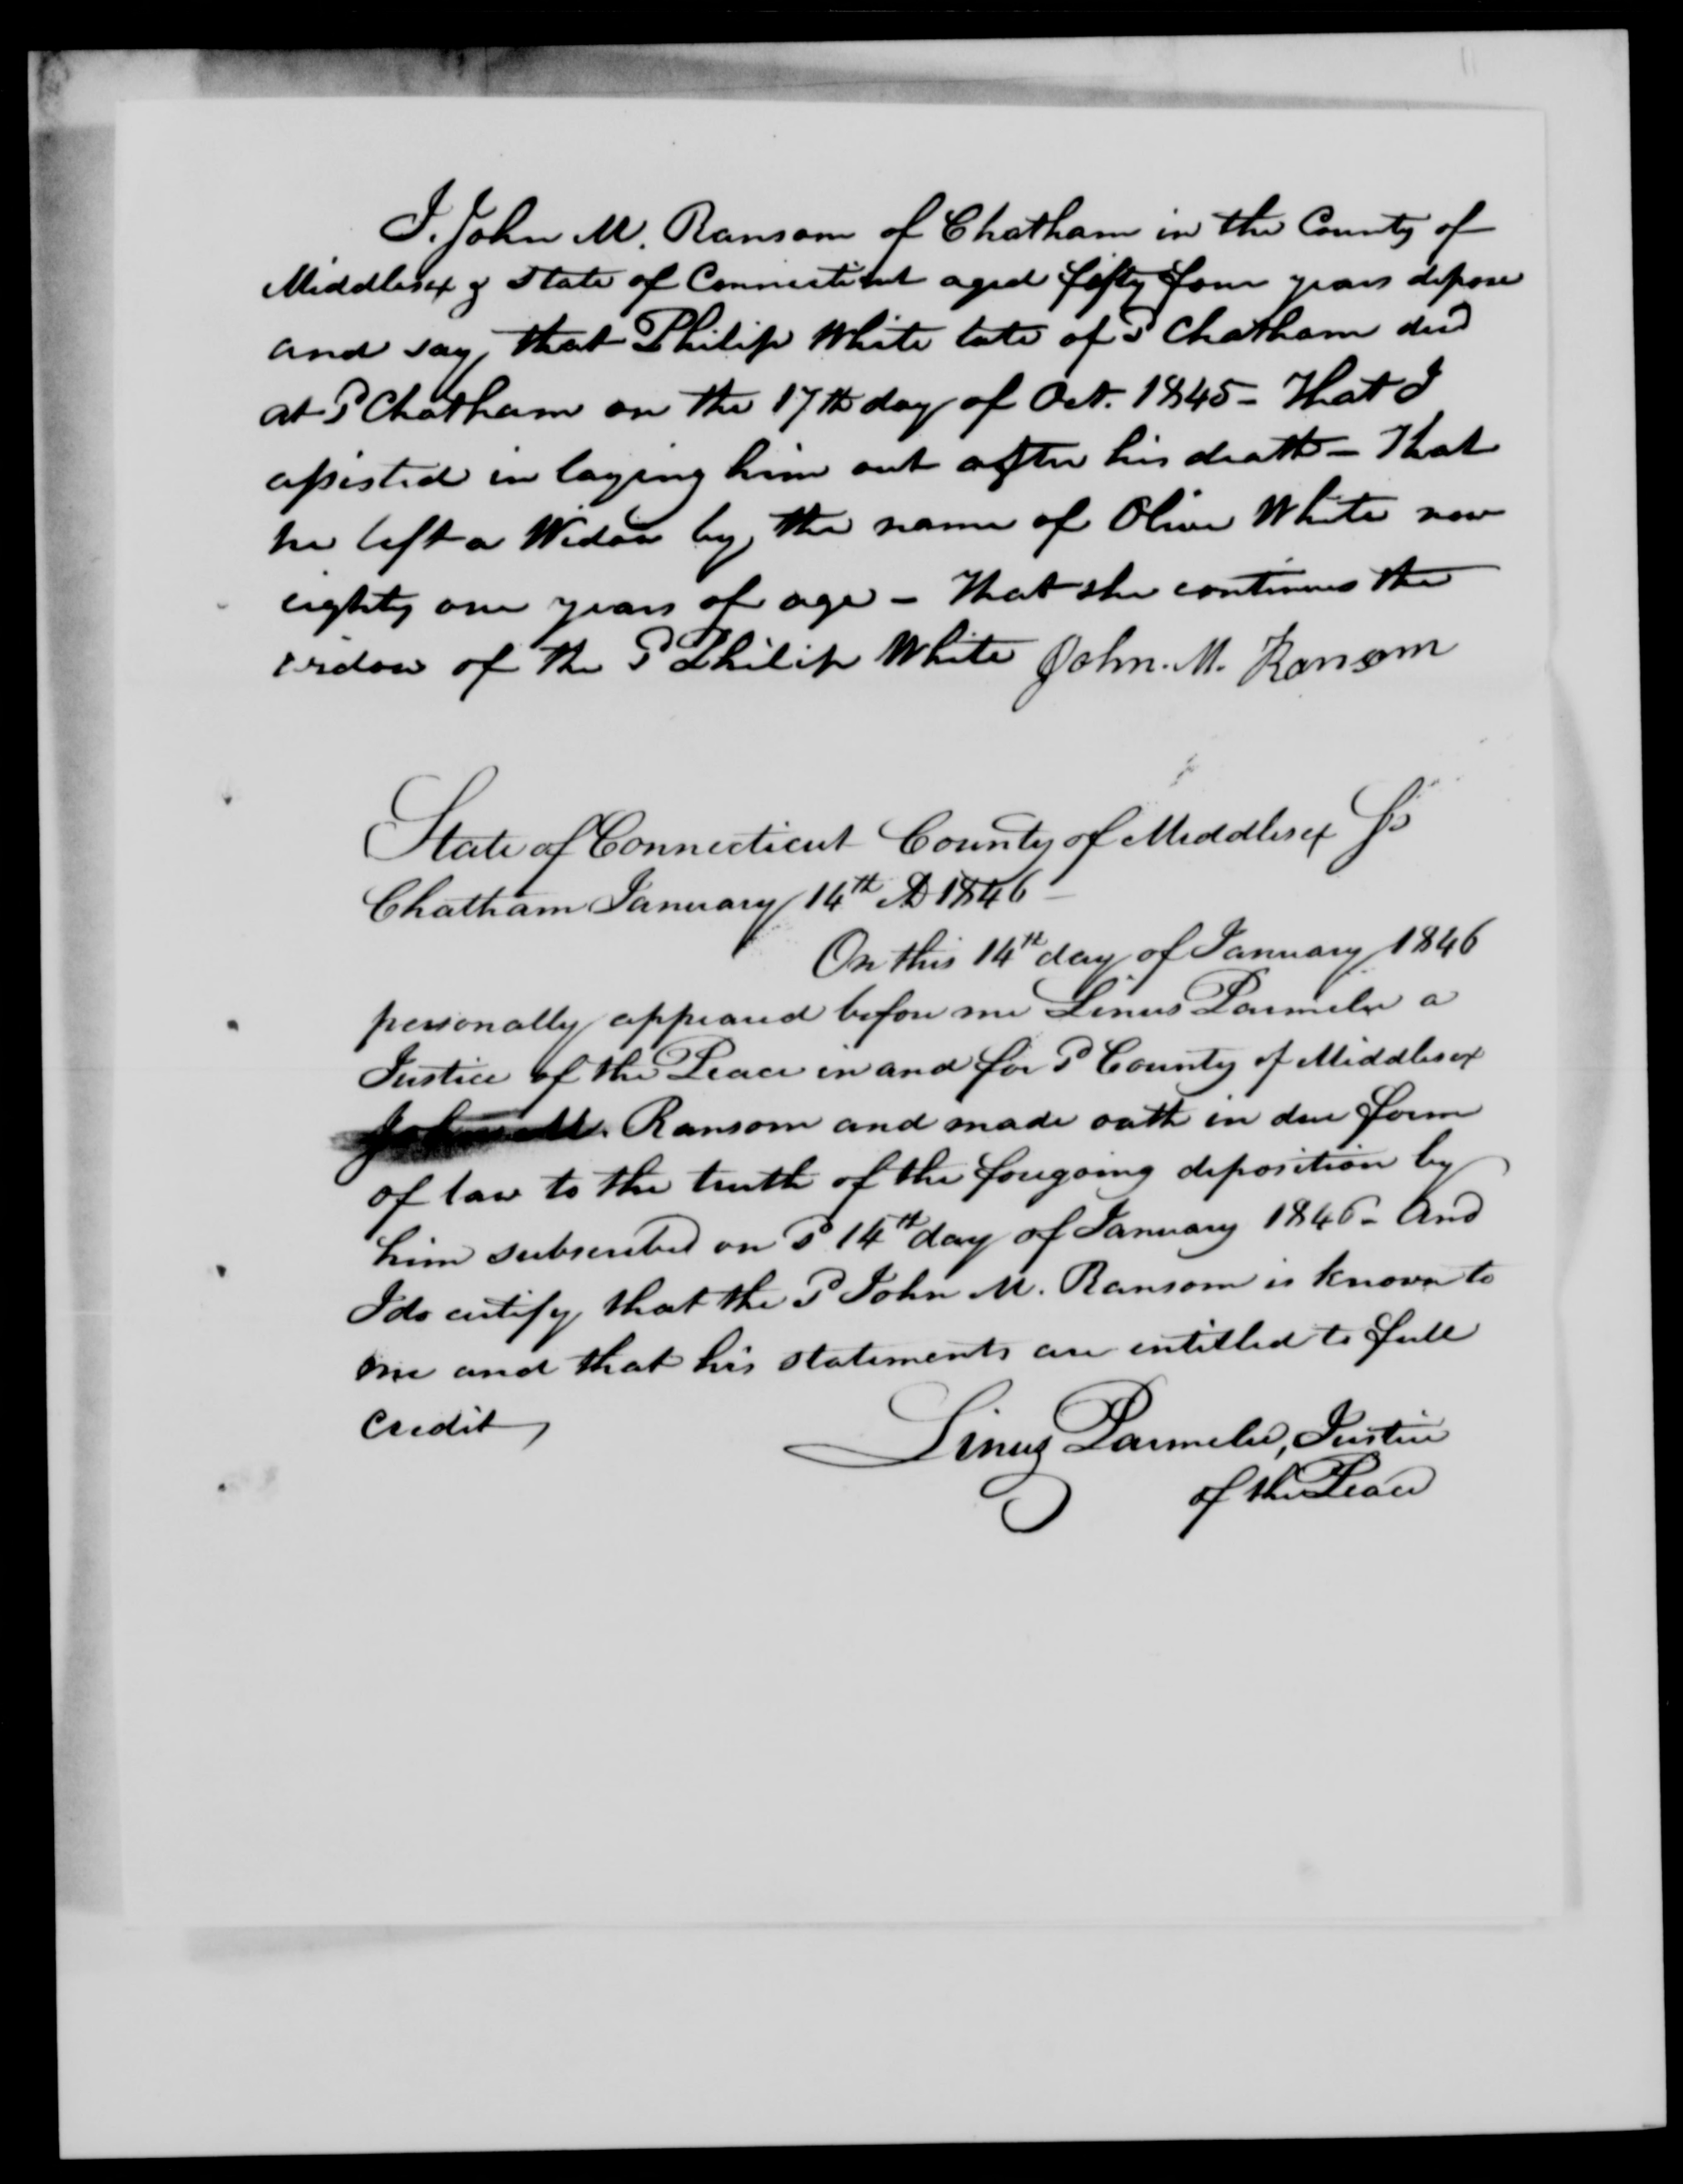I, John M. Banson of Chatham in the County of
Middlesex of State of Connecticut aged fifty four years depose
and say that Philip White late of Chatham decd
at Chatham on the 17th day of Oct. 1845 - That I,
assisted in laying him out after his death. That
he left a Widow by the name of Olive White now
eighty one years of age _ That she continues the
widow of the Sd Philip White 
John M. Banson

State of Connecticut County of Middlesex Ss
Chatham January 14th AD 1846
On this 14th day of January 1846
personally appeared before me Linus Parmelee a
Justice of the Peace in and for sd County of Middlesex
John M. Banson and made oath in due form
of law to the truth of the foregoing deposition by
him subscribed on 14th day of January 1846 and
I do certify that the sd John M. Banson is known to
me and that his statements are entitled to full
Credit
Linus Parmelee, Justice
of the Peace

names: Olive White, John M Banson, Philip White, Linus Parmelee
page: 21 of 50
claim: widow's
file: W. 25,969, Philip White, Conn.